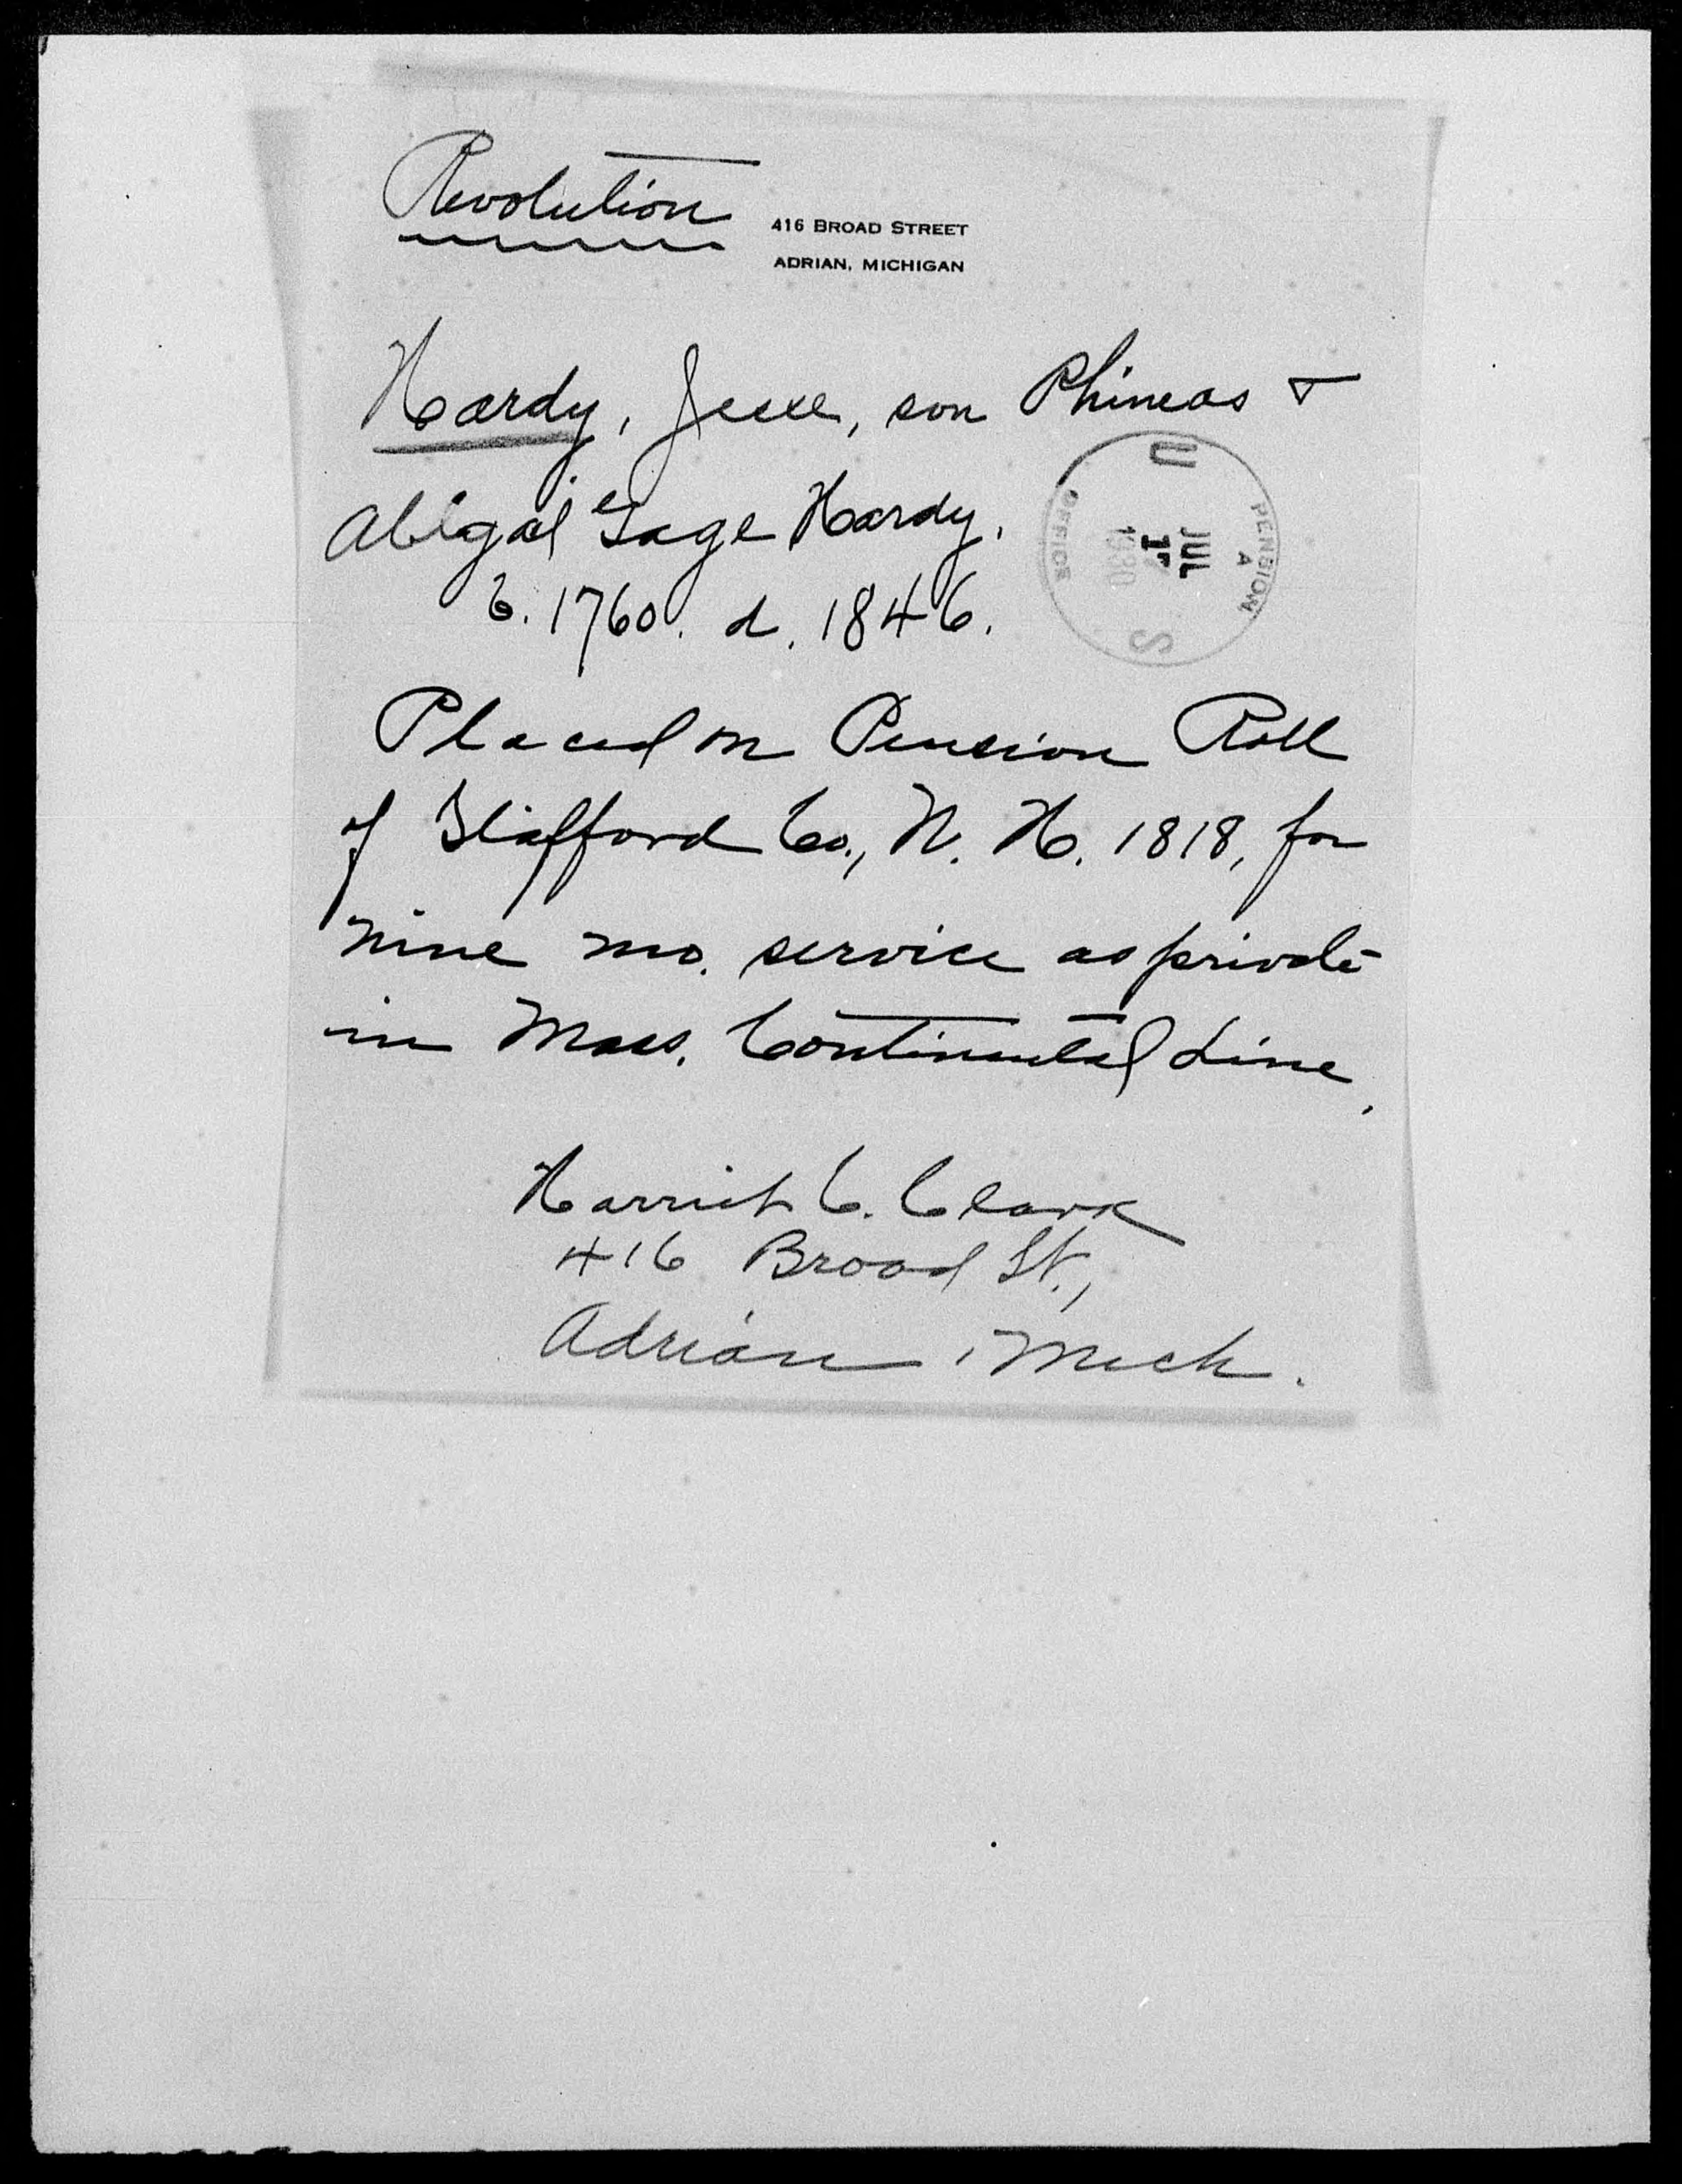Revolution --- 1 416 BROAD STREET ADRIAN, MICHIGAN 
Hardy, Jesse, son Phineas &  Abigail Gage Hardy 
B. 1760. D. 1846 Placed on pension Roll of Stafford Co. N.H. 1818, for nine mo service as private in Mass. Continental line 
Harriet C. Clark 416 Broad St. Adrian Mich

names: Harriet C Clark, Jesse Hardy, Abigail Gage Hardy, Phineas Hardy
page: 24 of 67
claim: widow's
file: W. 23183, Jesse Hardy, Mass.